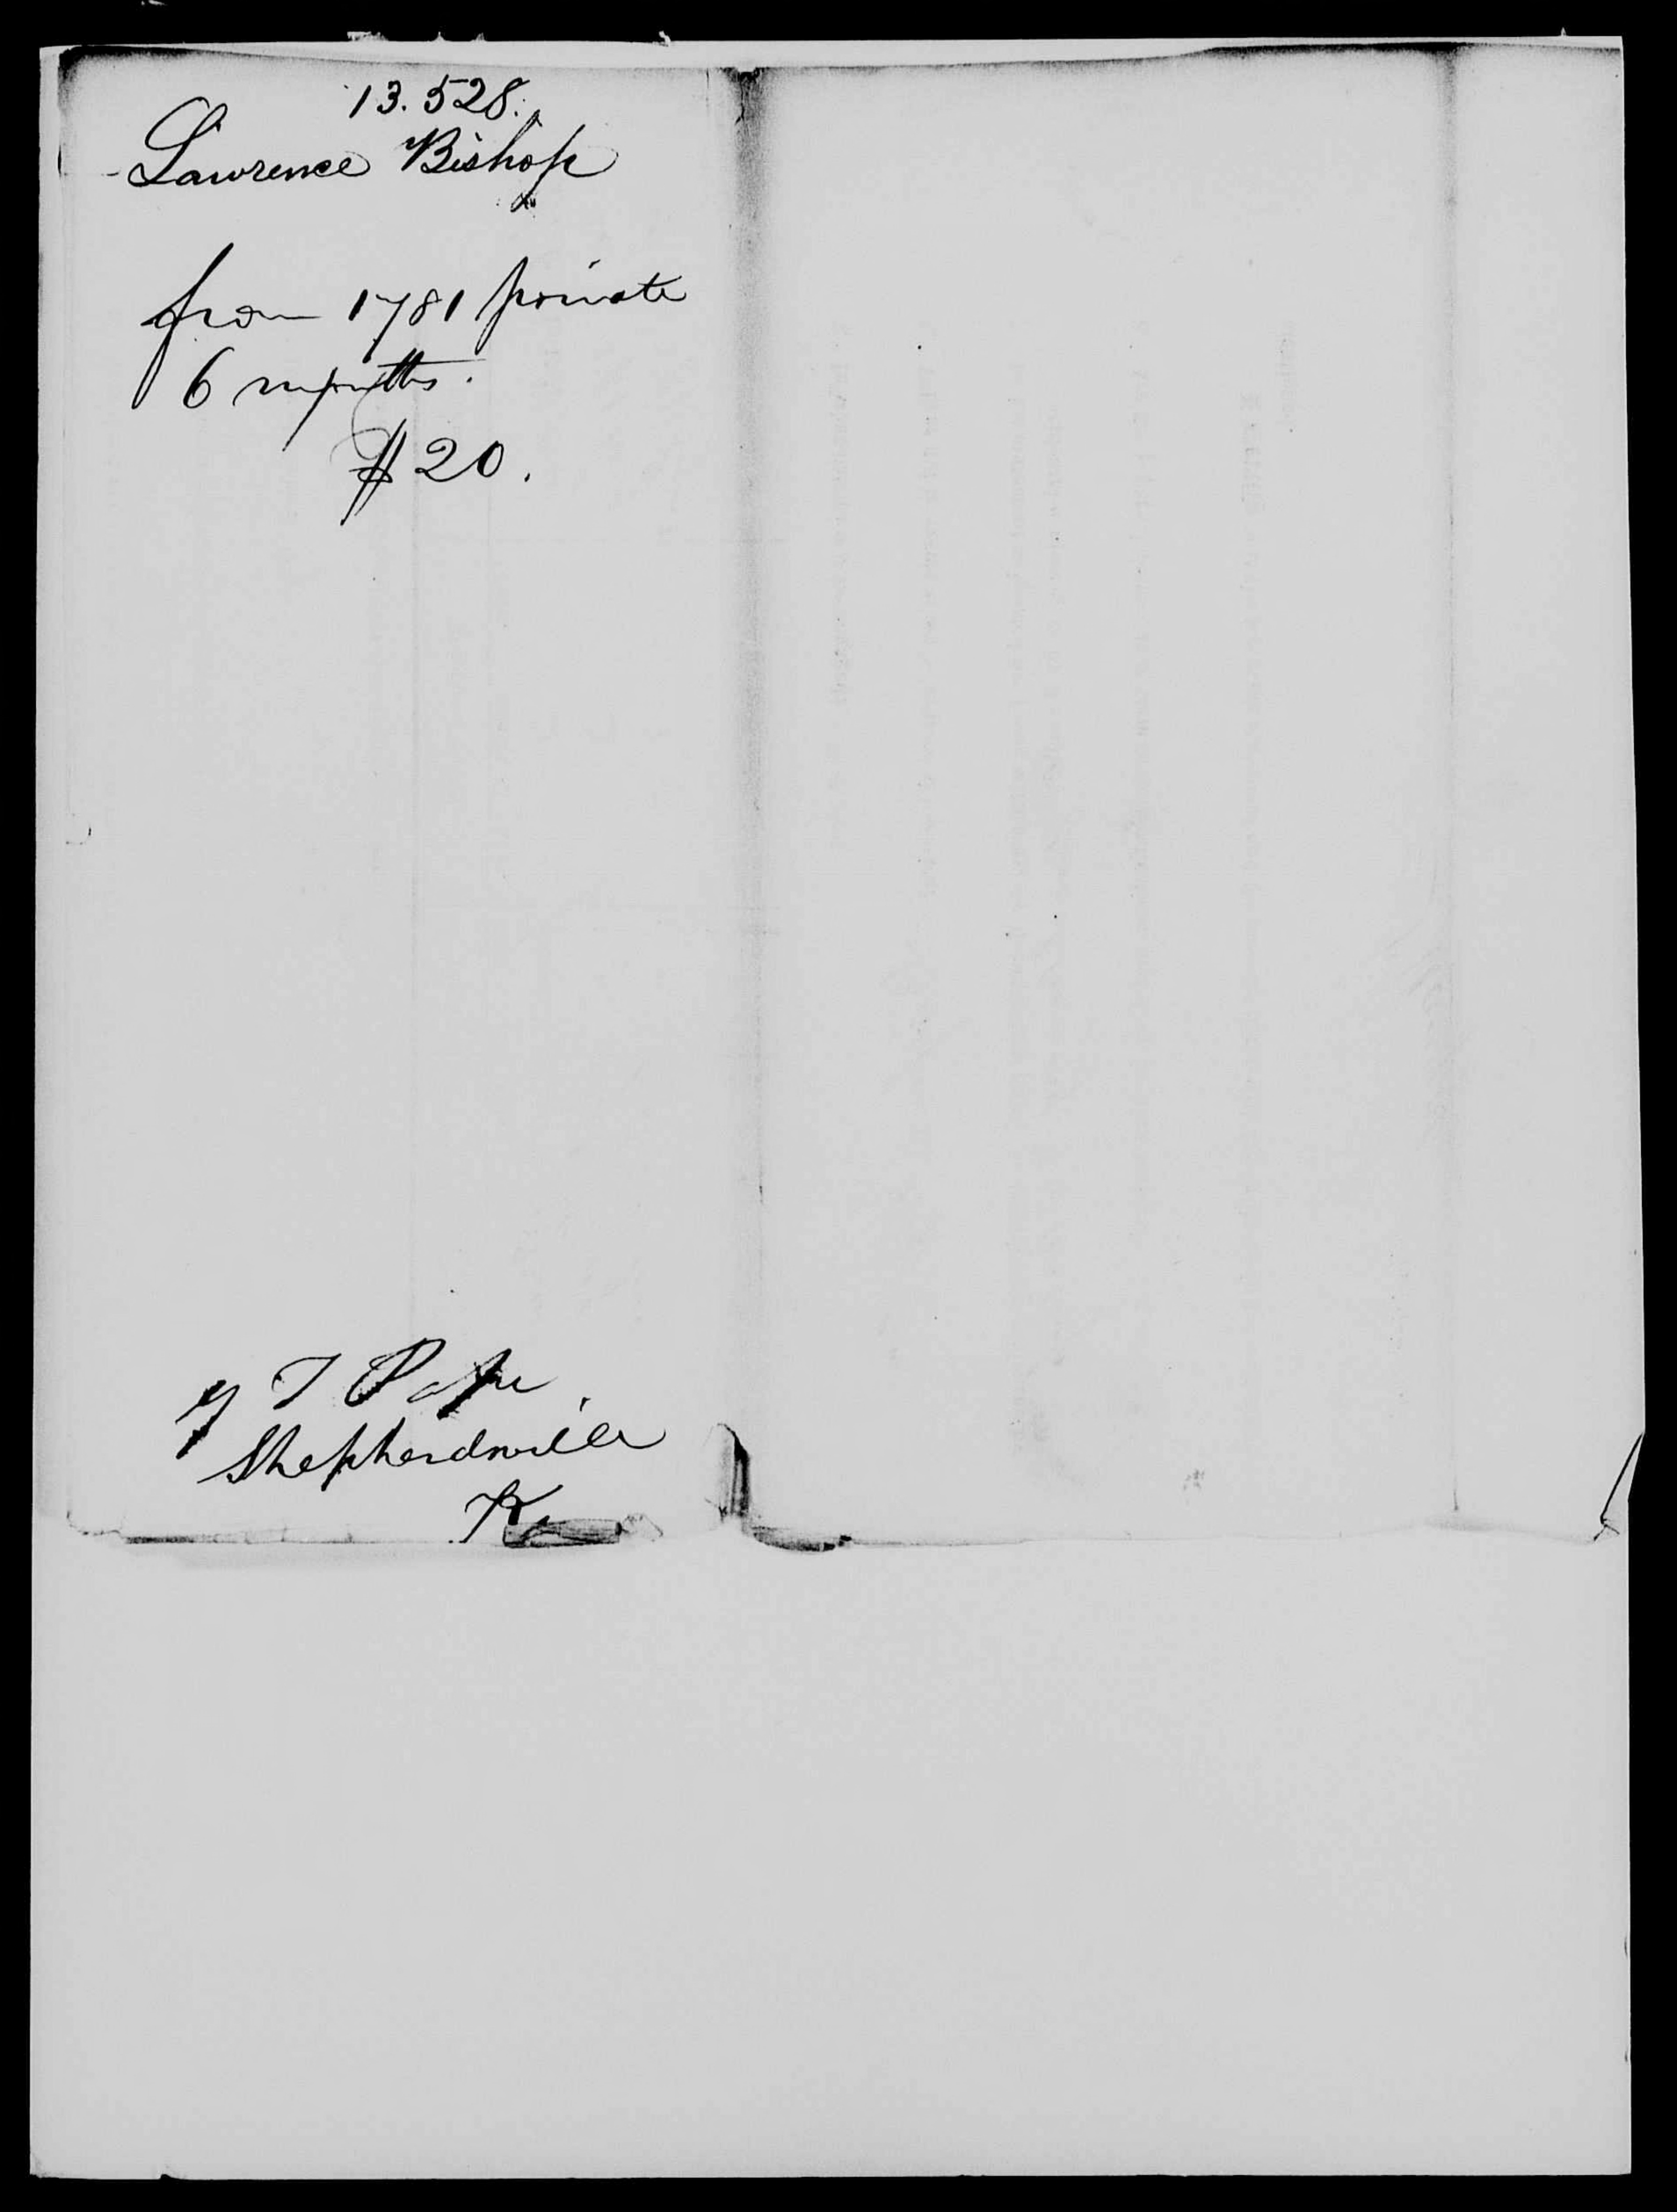13.528
Lawrence Bishop
From 1781 private 
6 months
$20
G. T. Pope
Shepherdsville
Ky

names: G T Pope, Lawrence Bishop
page: 9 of 26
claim: survivor's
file: S.1,166, Lawrence Bishop, Penn.